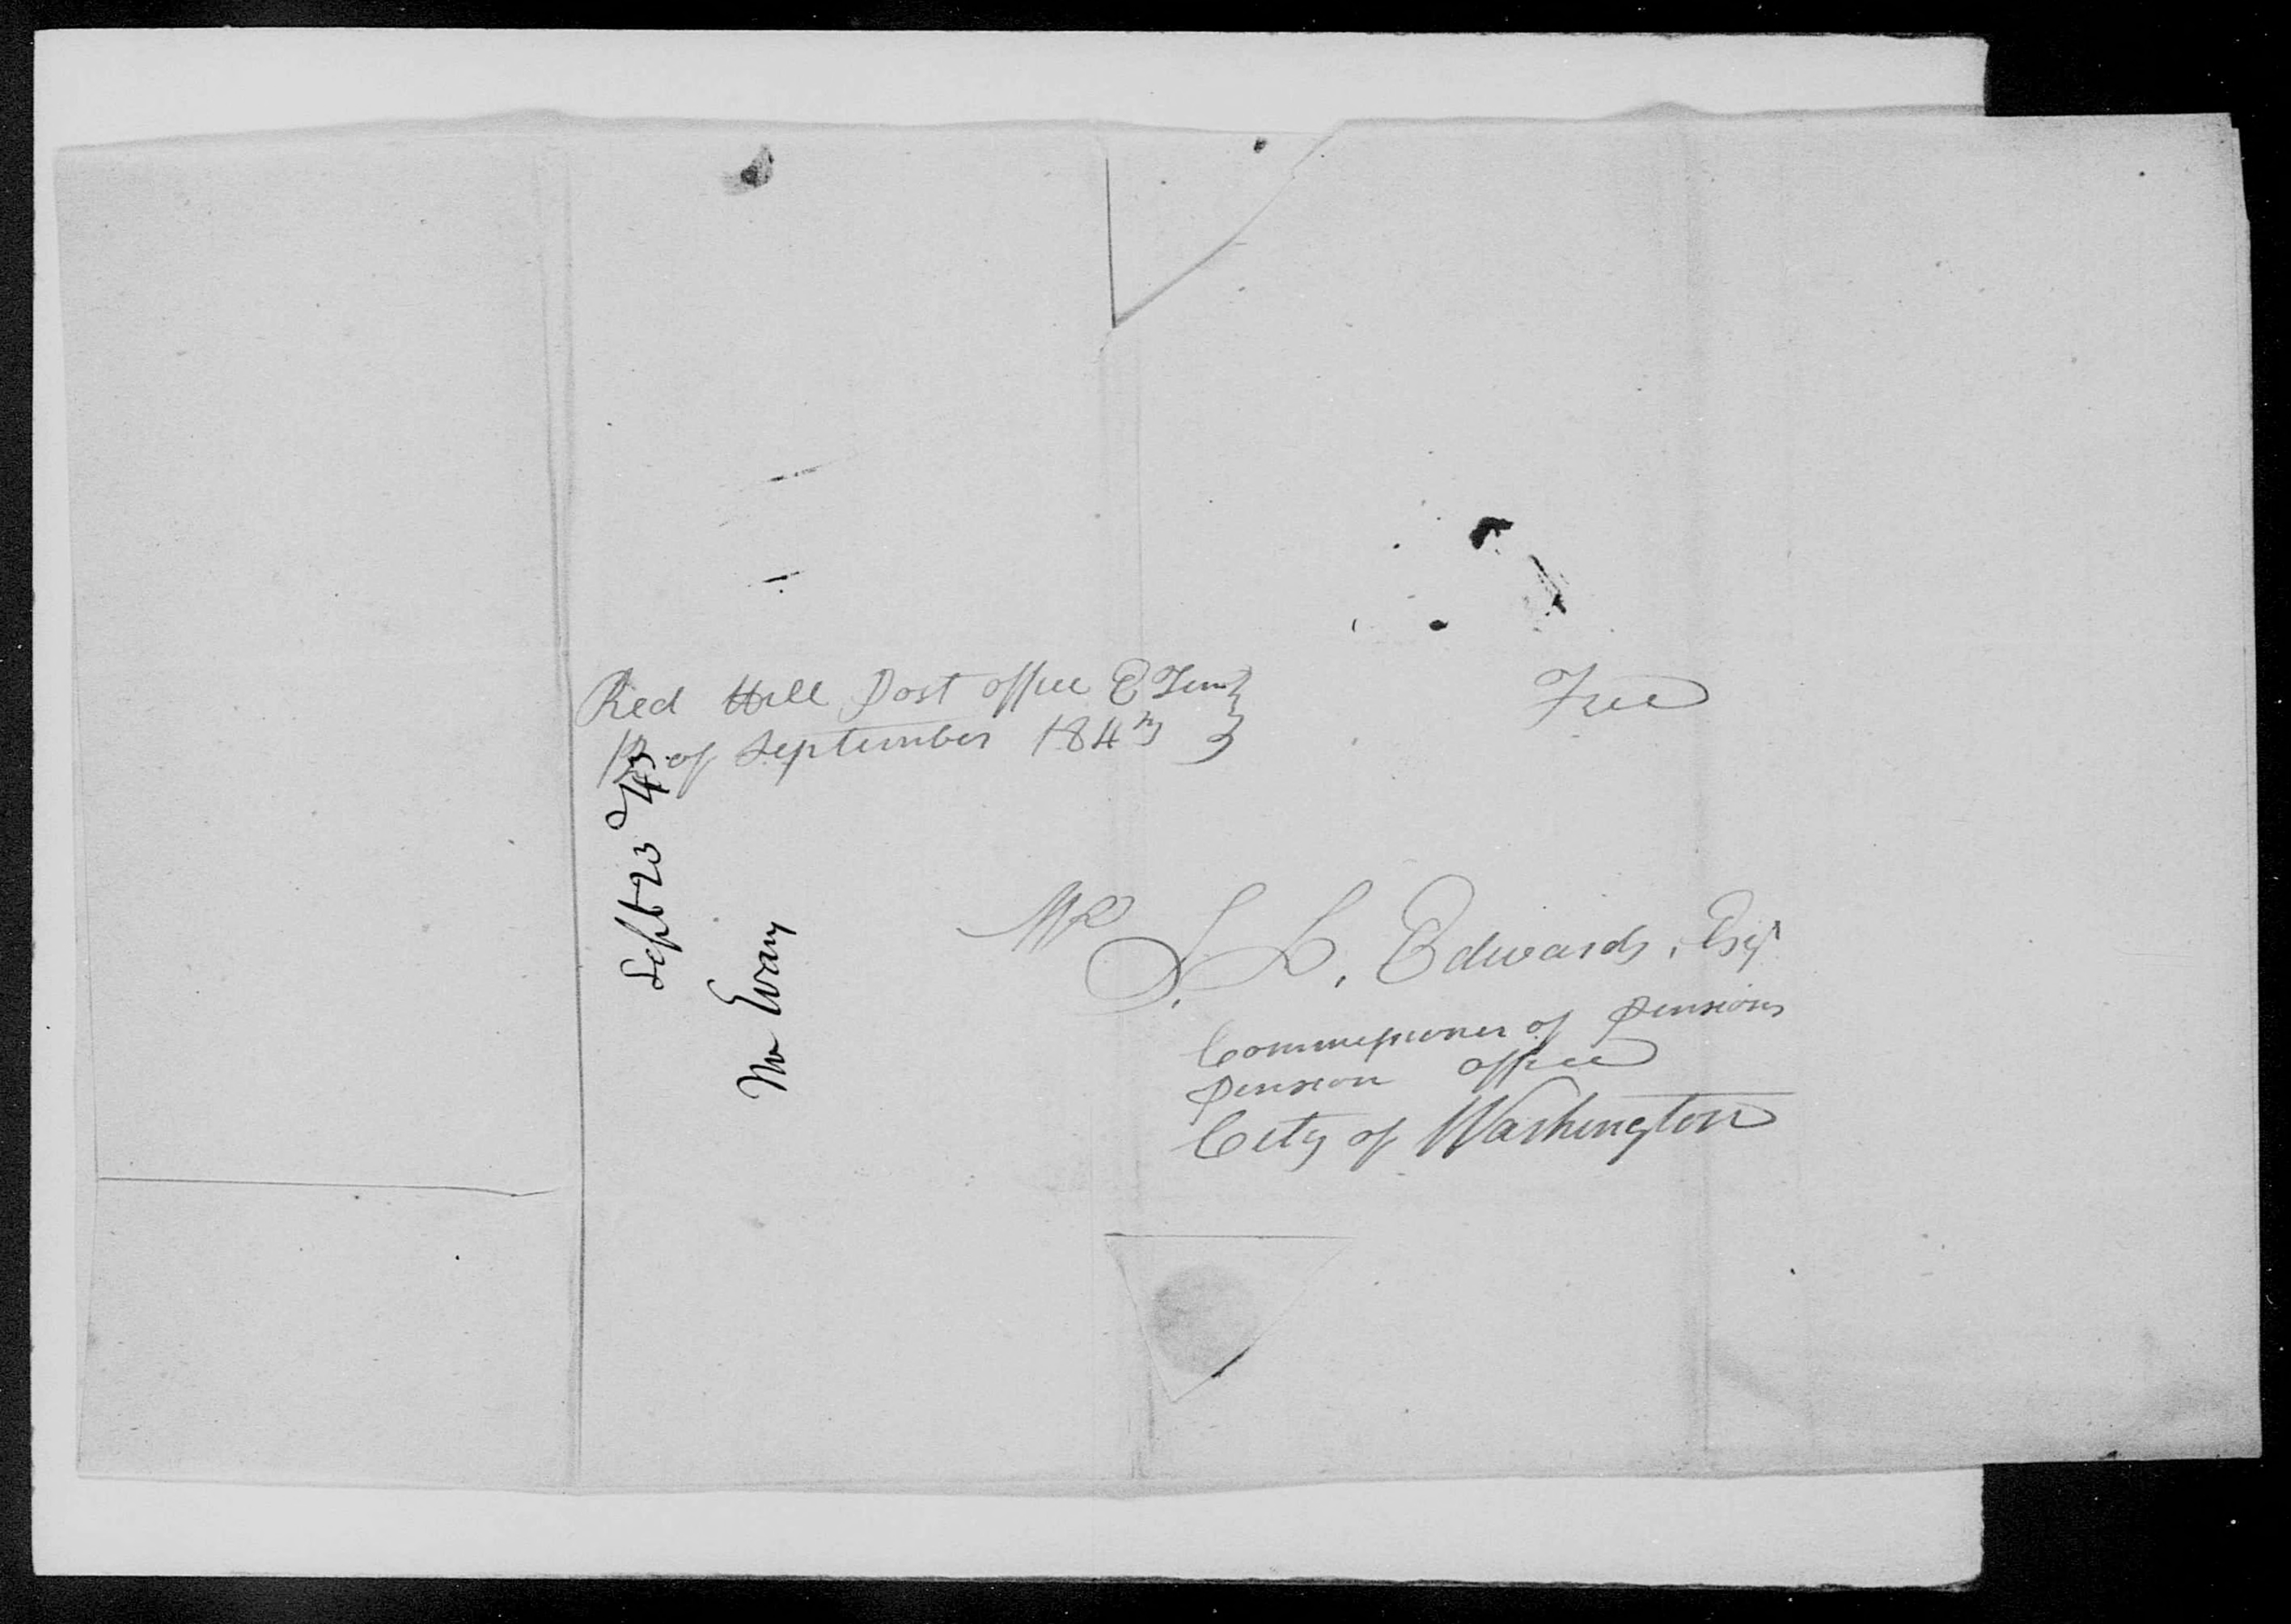Free
Red Hill Post Office E. Ten.
12 of September 1843
-----------------
Mr J.L. Edwards , Esq
Commissioner of Pensions
Pension Office
City of Washington
----------
Sept. 23 '43
Mr. Evan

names: J L Edwards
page: 46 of 86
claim: widow's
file: W. 1035, John Hubbs, S.C.